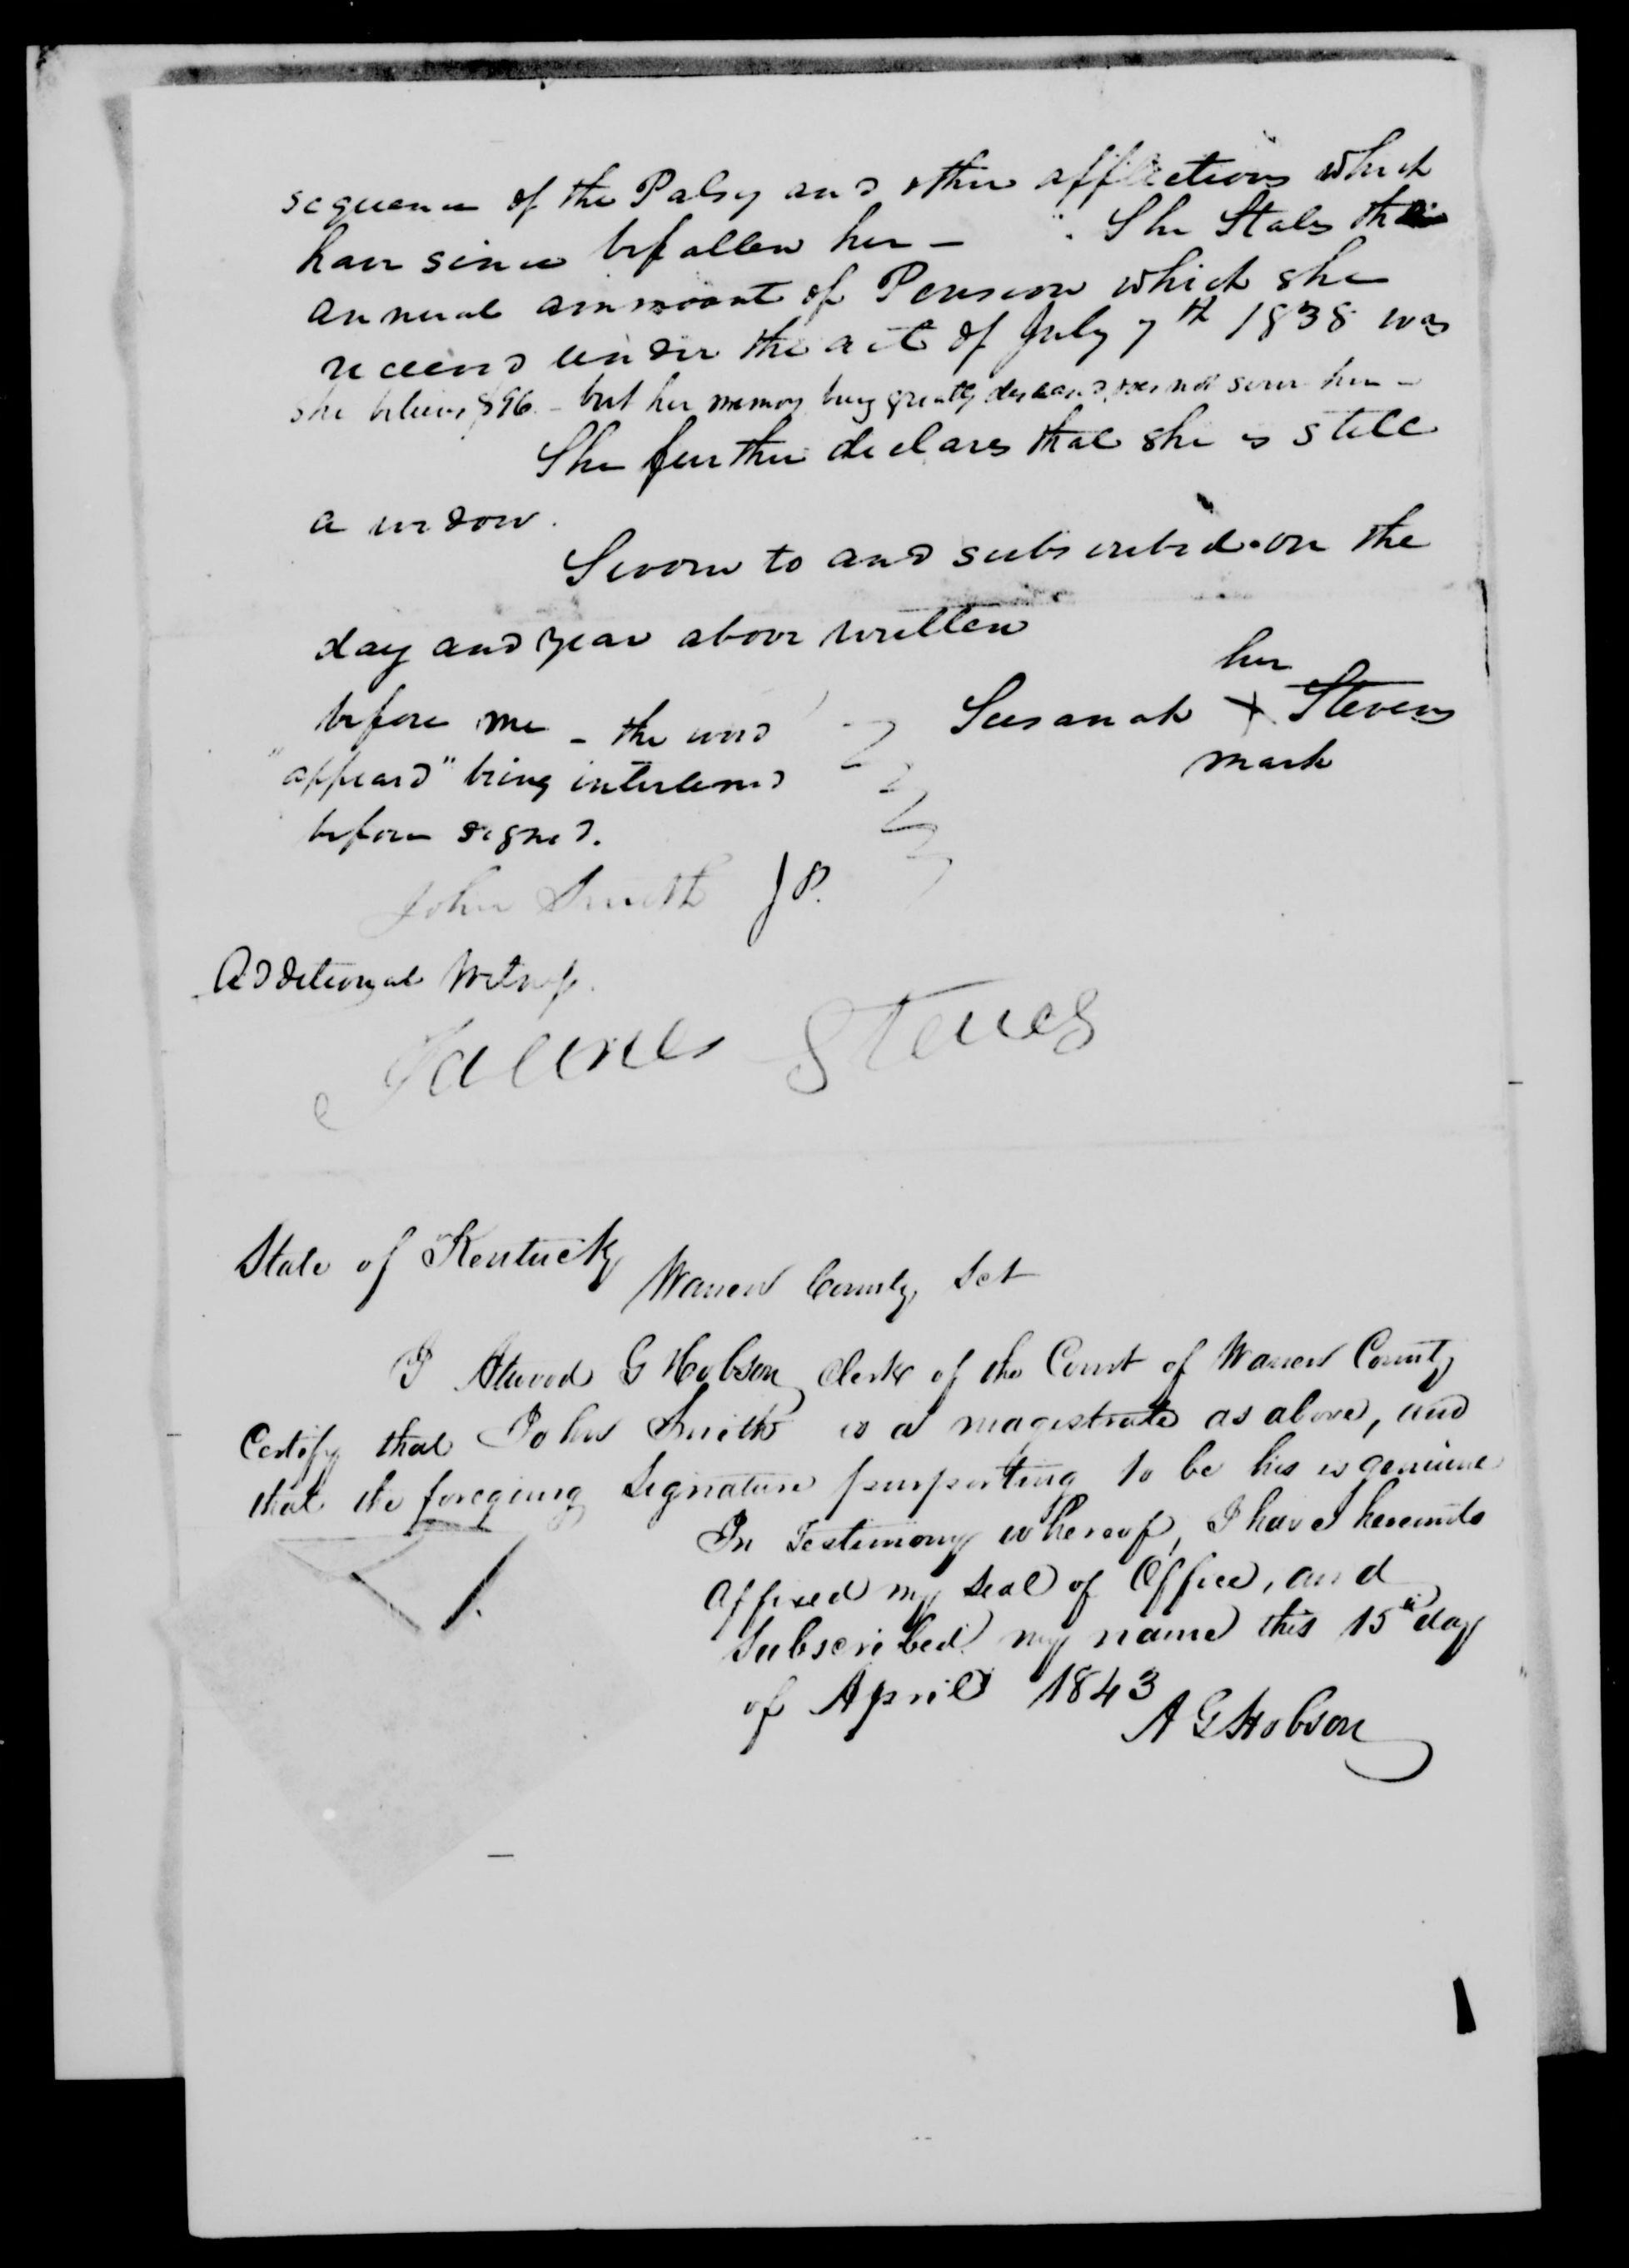sequence of the Palsy and other afflictions which have since befallen her - She states the annual ammount of Pension which she received under the act of July 7th 1838 was she believes $96 - but her memory being greatly [illegible] not serve her - 
She further declares that she is still a widow.
Sworn to and subscribed on the day and year above written 
before me - the word "appeard" being inte-end before signed.
her
Susanah x Stevens
mark
John Smith J P.
Additional witness
Jaeine Steves

State of Kentucky
Warren County Sct
I Atwood G Hobson, Clerk of the Court of Warren County certify that John Smith is a magistrate as above, and that the foregoing Signature purporting to be his is genuine
In Testimony whereof, I have I hereunto affixed my seal of Office, and Subscribed my name this 15th day of April 1843
A G Hobson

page: 85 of 99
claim: widow's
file: W 8766, for James Stevens, Virginia